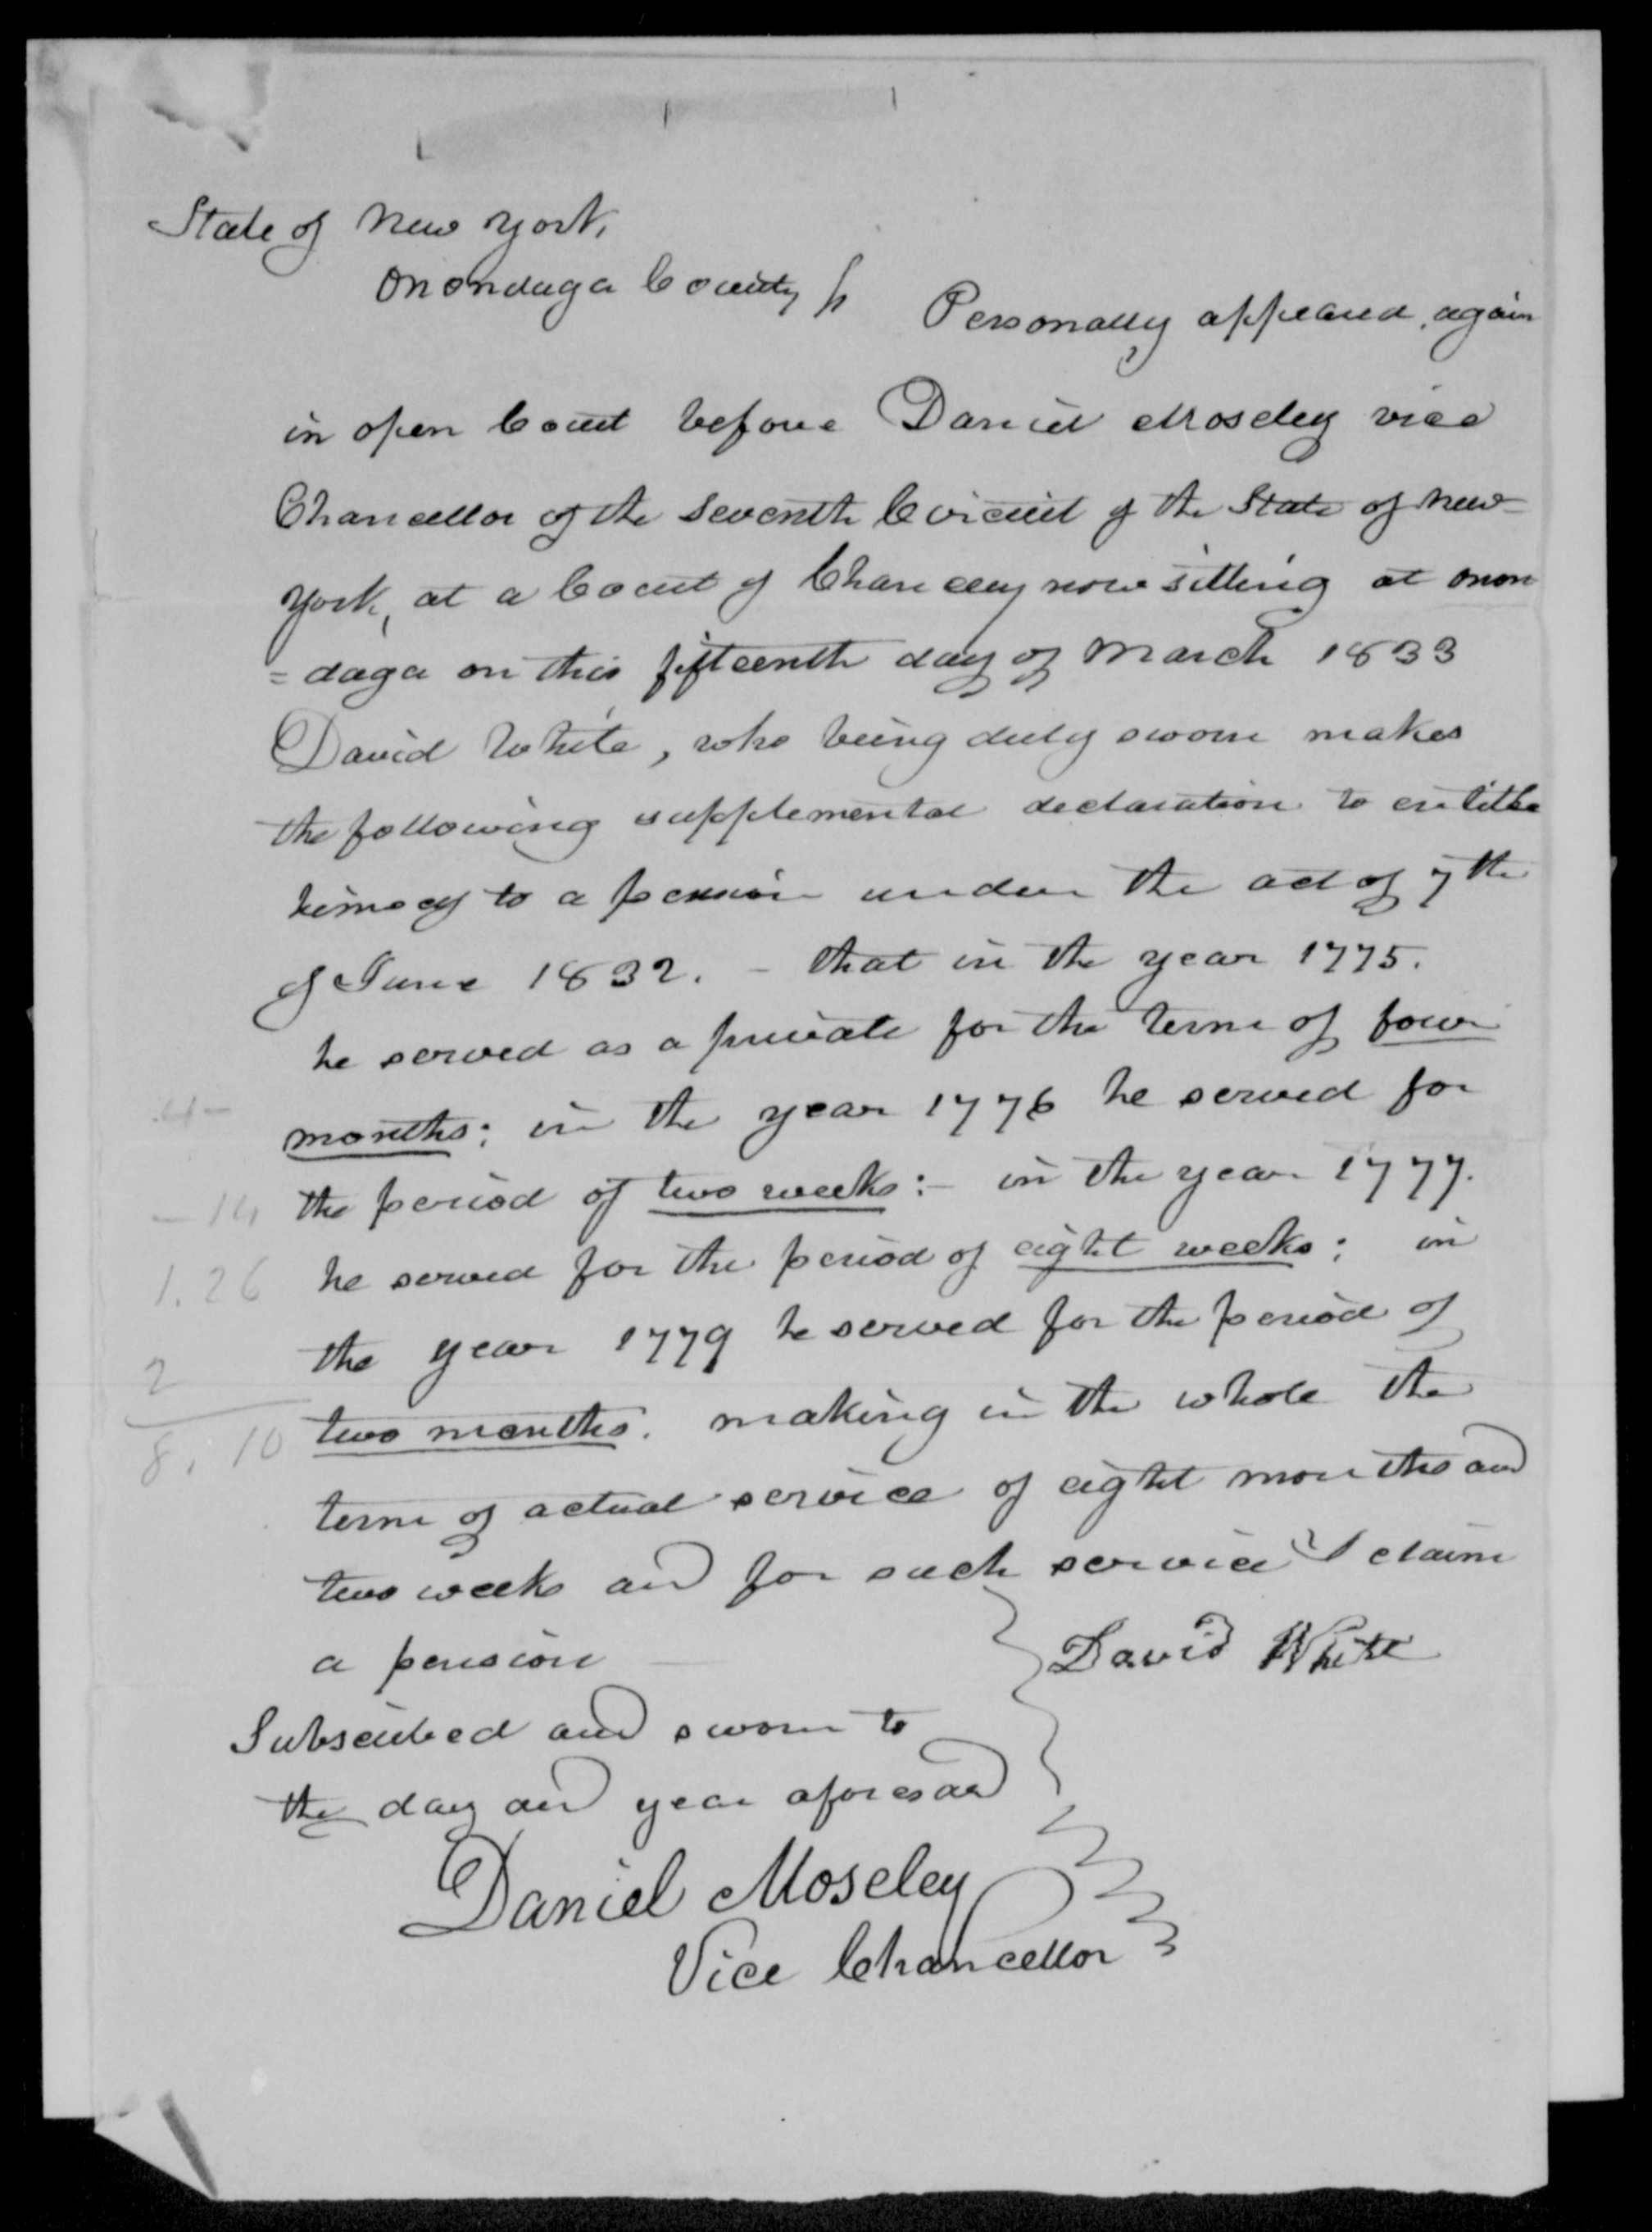State of New York, Onondaga County

Sr.--Personally appeared again in open court before David Mosely vice Chancellor of the Seventh Circuit of the State of New York, at a Court of Chancery now sitting at Onondaga on this fifteenth day of March 1833. David White, who being duly sworn makes the following supplemental declaration to entitle him as to a pension under the act of 7th of June 1832.--that in the year 1775 he served as private for the term of four months; in the year 1776 he served for the period of two weeks; in the year 1777 he served for the period of eight weeks; in the year 1779 he served for the period of two months, making in the whole the term of actual service of eight months and two weeks and for such service I claim a pension.

David White

Subscribed and sworn to the day and year aforesaid.

Daniel Moseley, Vice Chancellor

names: David White, Daniel Moseley, David Moseley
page: 3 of 63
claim: widow's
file: W. 18403, David White, Conn.